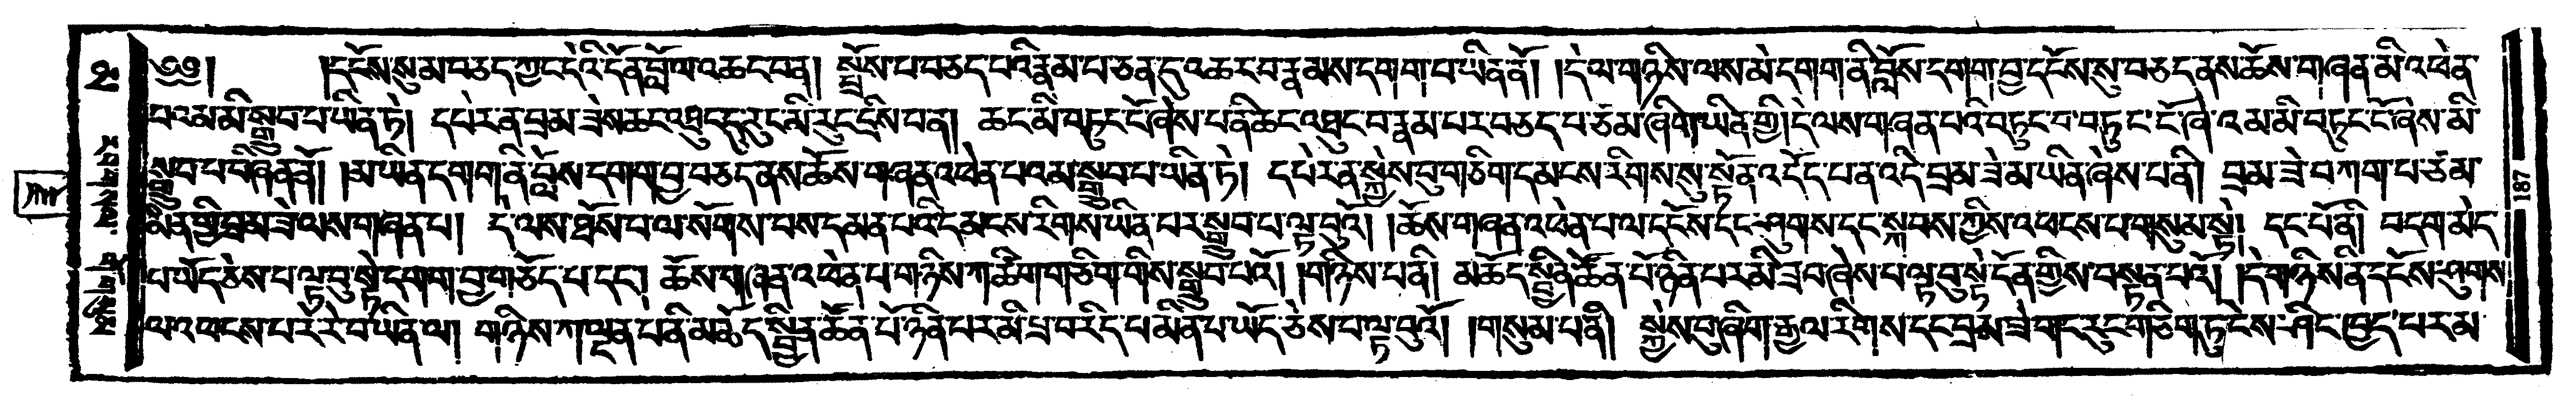༄༅། །དངོས་སུ་མ་བཅད་ཀྱང་དེའི་དོན་བློ་ལ་འཆར་བ་ན། སྤྲོས་པ་བཅད་པའི་རྣམ་པ་ཅན་དུ་འཆར་བ་རྣམས་དགག་པ་ཡིན་ནོ། །དེ་ལ་གཉིས་ལས་མེད་དགག་ནི་བློས་དགག་བྱ་དངོས་སུ་བཅད་ནས་ཆོས་གཞན་མི་འཕེན་
པའམ་མི་སྒྲུབ་པ་ཡིན་ཏེ། དཔེར་ན་བྲམ་ཟེས་ཆང་འཐུང་དུ་རུང་མི་རུང་དྲིས་པ་ན། ཆང་མི་བཏུང་ངོ་ཞེས་པ་ནི་ཆང་འཐུང་པ་རྣམ་པར་བཅད་པ་ཙམ་ཞིག་ཡིན་གྱི། དེ་ལས་གཞན་པའི་བཏུང་བ་བཏུང་ངོ་ཞེ་འམ་མི་བཏུང་ངོ་ཞེས་མི་
སྒྲུབ་པ་བཞིན་ནོ། །མ་ཡིན་དགག་ནི་བློས་དགག་བྱ་བཅད་ནས་ཆོས་གཞན་འཕེན་པའམ་སྒྲུབ་པ་ཡིན་ཏེ། དཔེར་ན་སྐྱེས་བུ་གཅིག་དམངས་རིགས་སུ་སྟོན་འདོད་པ་ན་འདི་བྲམ་ཟེ་མ་ཡིན་ཞེས་པ་ནི། བྲམ་ཟེ་བཀག་པ་ཙམ་
མིན་གྱི་བྲམ་ཟེ་ལས་གཞན་པ། དེ་ལས་ཐོས་པ་ལ་སོགས་པས་དམན་པའི་དམངས་རིགས་ཡིན་པར་སྒྲུབ་པ་ལྟ་བུའོ། །ཆོས་གཞན་འཕེན་པ་ལ་དངོས་དང་ཤུགས་དང་སྐབས་ཀྱིས་འཕངས་པ་གསུམ་སྟེ། དང་པོ་ནི། བདག་མེད་
པ་ཡོད་ཅེས་པ་ལྟ་བུ་སྟེ་དགག་བྱ་གཅོད་པ་དང་། ཆོས་གཞན་འཕེན་པ་གཉིས་ཀ་ཚིག་གཅིག་གིས་སྒྲུབ་པའོ། །གཉིས་པ་ནི། མཆོད་སྦྱིན་ཚོན་པོ་ཉིན་པར་མི་ཟ་བ་ཞེས་པ་ལྟ་བུ་སྟེ་དོན་གྱིས་བསྟན་པའོ། །དེ་གཉིས་ནི་དངོས་ཤུགས་
ལ་འཕངས་པ་རེ་རེ་བ་ཡིན་ལ། གཉིས་ཀ་ལྡན་པ་ནི་མཆོད་སྦྱིན་ཚོན་པོ་ཉིན་པར་མི་ཟ་བ་རིད་པ་མིན་པ་ཡོད་ཅེས་པ་ལྟ་བུའོ། །གསུམ་པ་ནི། སྐྱེས་བུ་ཞིག་རྒྱལ་རིགས་དང་བྲམ་ཟེ་གང་རུང་གཅིག་ཏུ་ངེས་ཤིང་ཁྱད་པར་མ་